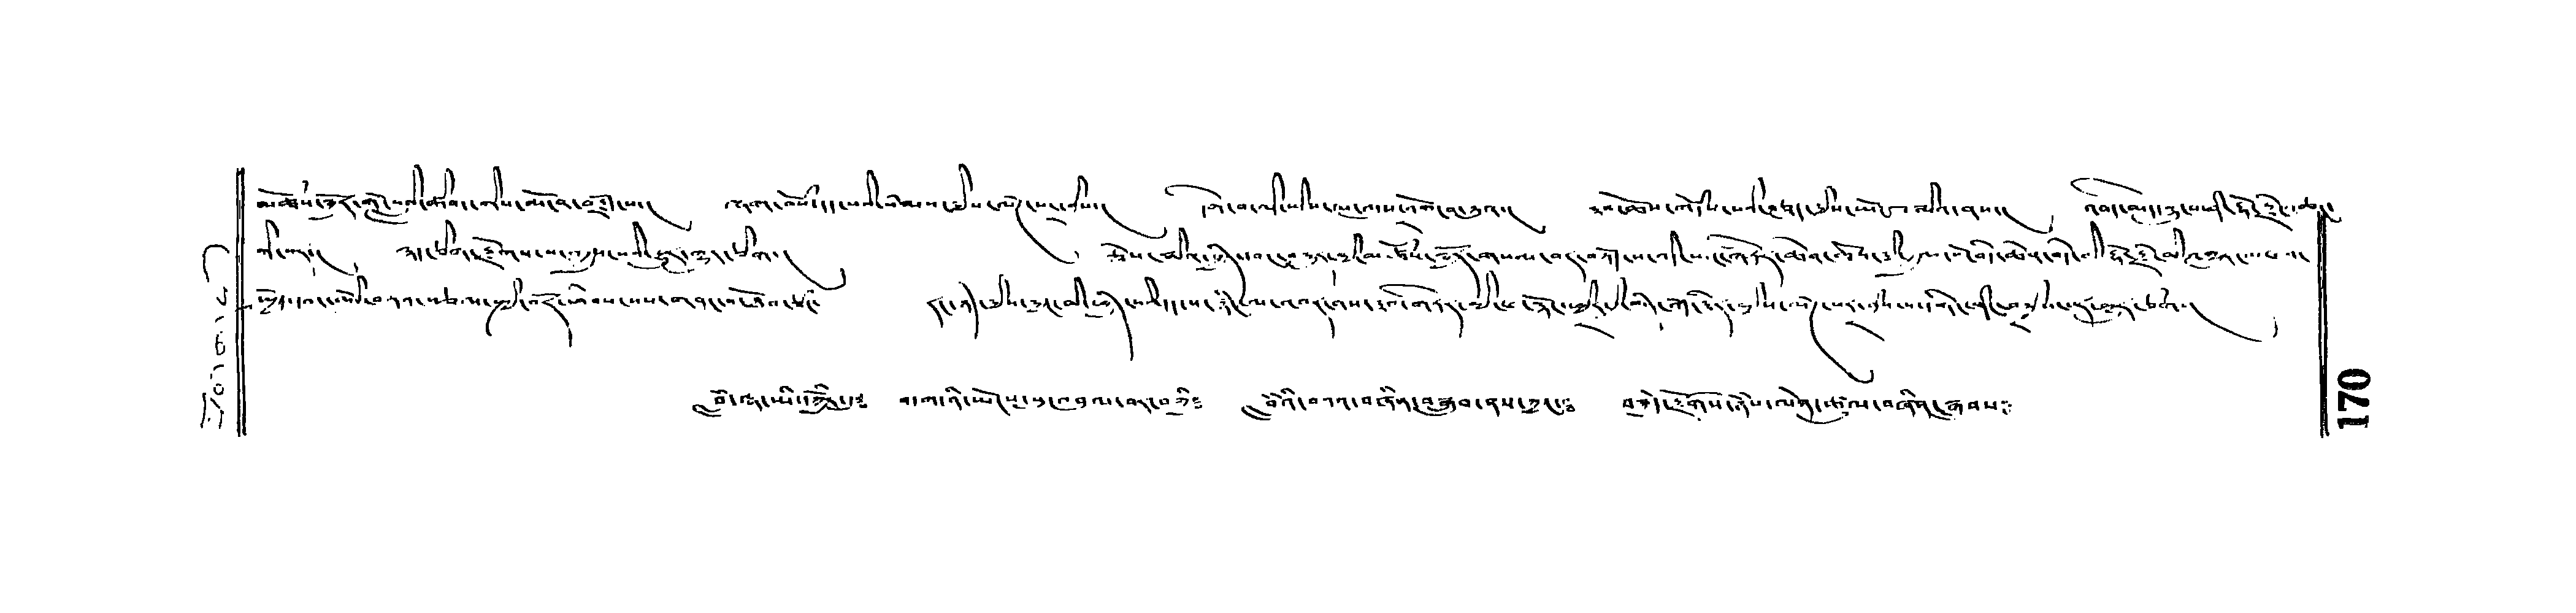།མཚམས་སྦྱོར་གོ་སླའི་ཚིག་གིས་མངོན་བརྗོད་པ། །ལྷག་བསམ་དད་པའི་སེམས་ཀྱིས་ལེགས་པར་བྲིས། །དགེ་བ་འདི་ཡིས་མ་ལུས་འགྲོ་བ་ཀུན། །ཟབ་ཆོས་གདམས་པའི་བཅུད་ཀྱིས་ཡོངས་སྨིན་ནས། །འབད་མེད་སྐུ་བཞི་རྡོ་རྗེ་འཆང་
གི་སར། །སྐད་ཅིག་རྫོགས་སངས་རྒྱས་པའི་རྒྱུར་གྱུར་ཅིག ཅེས་སྨིན་བྱེད་དབང་བསྐུར་ཀྱི་མཚམས་སྦྱོར་གསལ་བར་བཀོད་པ་འདི་ཡང་གཏེར་ཆེན་ཆོས་ཀྱི་རྒྱལ་པོ་བདེ་ཆེན་བདེ་བའི་རྡོ་རྗེ་མི་འགྱུར་མཁའ་
སྤྱོད་དབང་མོའི་བཀའ་བསྩལ་སྤྱི་བོར་ཕེབས་པས་གནང་བ་ཐོབ་ཅིང་།རང་ཉིད་ཀྱིས་ཀྱང་མི་ཕྱེད་པའི་དད་པ་སྙིང་ལ་འབར་ནས་ཟབ་གཏེར་གྱི་ཁ་སྐོང་ཕྱིར་དྲི་མེད་འོད་ཟེར་གྱིས་ལེགས་པར་བྲིས་པ་དགེ་ཞིང་བཀྲིས་པར་གྱུར་ཅིག། 
བླ་མ་ལྷ་ཡི་དཀྱིལ་འཁོར་དུ༔ བདག་ནི་ཡོངས་སུ་འབུལ་བར་བགྱི༔ བླ་མའི་བཀའ་བཞིན་བསྒྲུབ་ནས་ཀྱང༔ བསྐྱེད་རྫོགས་ཉམས་ལེན་ཚུལ་བཞིན་བསྒྲུབ༔